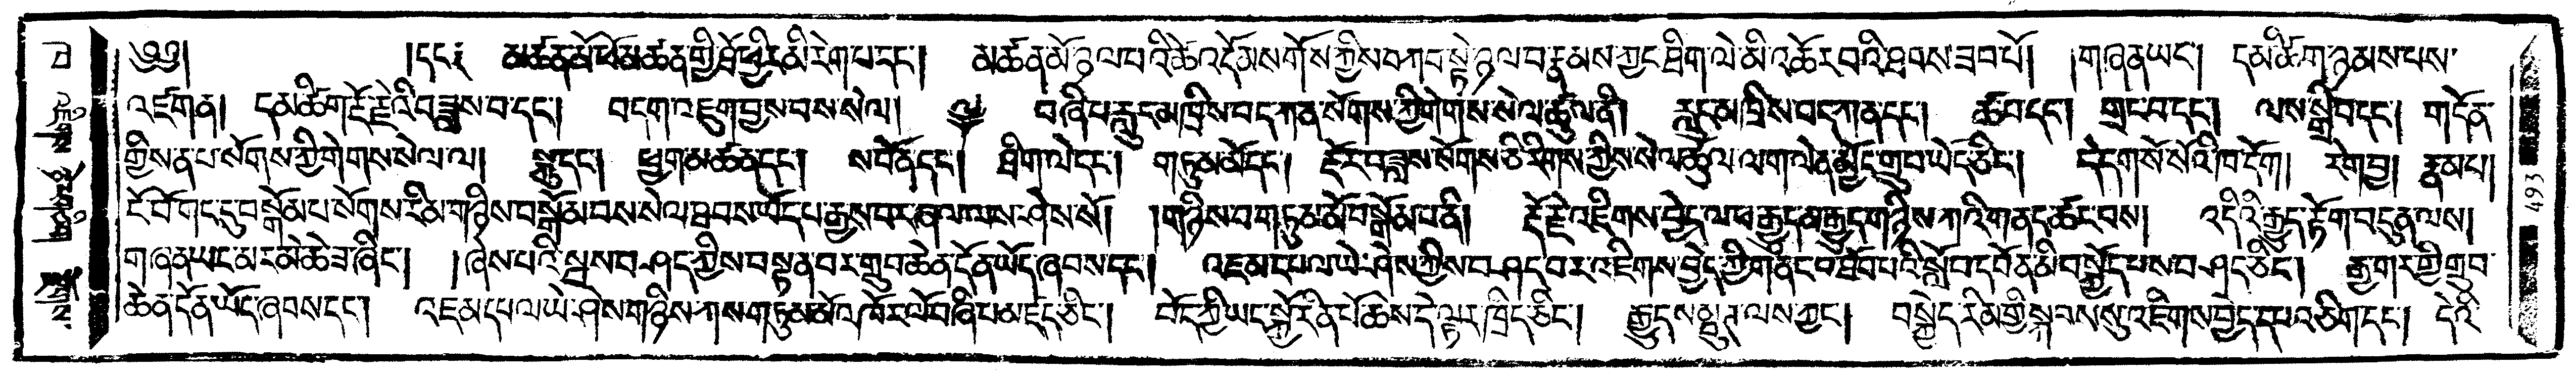༄༅། །དང༑ མཚན་མོ་ཕོ་མཚན་གྱི་ཐོ་ཕྱིར་མི་རེག་པ་དང་། མཚན་མོ་ཉལ་བའི་ཚེ་འདོམས་གོས་ཀྱིས་བཀབ་སྟེ་ཉལ་བ་རྣམས་ཀྱང་ཐིག་ལེ་མི་འཆོར་བའི་ཐབས་ཟབ་པོ། །གཞན་ཡང་། དམ་ཚིག་ཉམས་པས་
འཛག་ན། དམ་ཚིག་རྡོ་རྗེའི་བཟླས་བ་དང་། བདག་འཇུག་བྱས་པས་སེལ། ༈ བཞི་པ་རླུང་མཁྲིས་པད་ཀན་སོགས་ཀྱི་གེགས་སེལ་ཚུལ་ནི། རླུང་མཁྲིས་པད་ཀན་དང་། ཚ་བ་དང་། གྲང་བ་དང་། ལས་སྒྲིབ་དང་། གདོན་
གྱིས་ན་པ་སོགས་ཀྱི་གེགས་སེལ་ལ། སྐུ་དང་། ཕྱག་མཚན་དང་། ས་བོན་དང་། ཐིག་ལེ་དང་། གཏུམ་མོ་དང་། རྡོར་བཟླས་སོགས་ཅི་རིགས་ཀྱིས་སེལ་ཚུལ་ལག་ལེན་མྱོང་གྲུབ་ཡོད་ཅིང་། དེ་དག་སོ་སོའི་ཁ་དོག། རེག་བྱ། རྣམ་པ།
ངོ་བོ་གང་དུ་བསྒོམ་པ་སོགས་རིམ་གཉིས་བསྒོམ་པས་སེལ་ཐབས་ཡོད་པ་རྒྱས་པར་ཞལ་ལས་ཤེས་སོ། །གཉིས་པ་གཏུམ་མོ་བསྒོམ་པ་ནི། རྡོ་རྗེ་འཇིགས་བྱེད་ལ་ཕ་རྒྱུད་མ་རྒྱུད་གཉིས་ཀའི་གནང་ཚང་བས། འདིའི་རྒྱུད་རྟོག་བདུན་ལས།
གཞན་ཡང་མར་མེ་ཆེ་ཟ་ཞིང་། །ཞེས་པའི་སྤས་བཤད་ཀྱིས་བསྟན་པར་གྲུབ་ཆེན་དོན་ཡོད་ཞབས་དང་། འཇམ་དཔལ་ཡེ་ཤེས་ཀྱིས་བཤད་པར་འཇིགས་བྱེད་ཀྱི་གནང་བ་ཐོབ་པའི་སློབ་དཔོན་མི་བསྐྱོད་པས་བཤད་ཅིང་། རྒྱ་གར་གྱི་གྲུབ་
ཆེན་དོན་ཡོད་ཞབས་དང་། འཇམ་དཔལ་ཡེ་ཤེས་གཉིས་ཀས་གཏུམ་མོ་འཁོར་ལོ་བཞི་པ་མཛད་ཅིང་། བོད་ཀྱི་ཡང་སྐྱོ་རིན་པོ་ཆེས་དེ་ལྟར་ཁྲིད་ཅིང་། རྒྱུད་སམྦུཊ་ལས་ཀྱང་། བསྐྱེད་རིམ་གྱི་སྐབས་སུ་འཇིགས་བྱེད་དཔའ་ཅིག་དང་། དེའི་